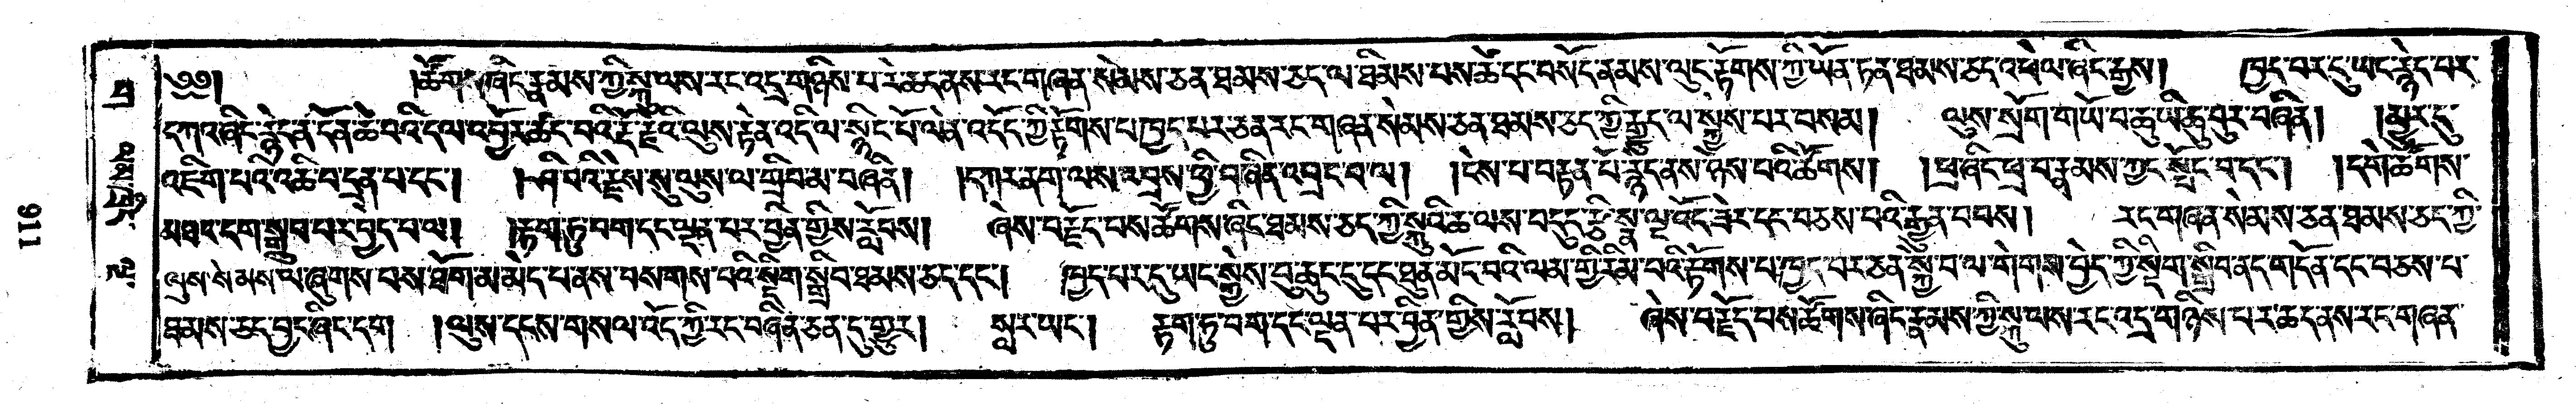༄༅། །ཚོགས་ཞིང་རྣམས་ཀྱི་སྐུ་ལས་རང་འདྲ་གཉིས་པ་རེ་ཆད་ནས་རང་གཞན་སེམས་ཅན་ཐམས་ཅད་ལ་ཐིམས་པས་ཚེ་དང་བསོད་ནམས་ལུང་རྟོགས་ཀྱི་ཡོན་ཏན་ཐམས་ཅད་འཕེལ་ཞིང་རྒྱས། ཁྱད་པར་དུ་ཡང་རྙེད་པར་
དཀའ་ཞིང་རྙེད་ན་དོན་ཆེ་བའི་དལ་འབྱོར་ཚང་བའི་རྡོ་རྗེའི་ལུས་རྟེན་འདི་ལ་སྙིང་པོ་ལེན་འདོད་ཀྱི་རྟོགས་པ་ཁྱད་པར་ཅན་རང་གཞན་སེམས་ཅན་ཐམས་ཅད་ཀྱི་རྒྱུད་ལ་སྐྱེས་པར་བསམ། ལུས་སྲོག་གཡོ་བ་ཆུ་ཡི་ཆུ་བུར་བཞིན། །མྱུར་དུ་
འཇིག་པའི་འཆི་བ་དྲན་པ་དང་། །ཤི་བའི་རྗེས་སུ་ལུས་ལ་གྲིབ་མ་བཞིན། །དཀར་ནག་ལས་འབྲས་ཕྱི་བཞིན་འབྲང་བ་ལ། །ངེས་པ་བརྟན་པོ་རྙེད་ནས་ཉེས་པའི་ཚོགས། །ཕྲ་ཞིང་ཕྲ་བ་རྣམས་ཀྱང་སྤོང་བ་དང་། །དགེ་ཚོགས་
མཐའ་དག་སྒྲུབ་པར་བྱེད་པ་ལ། །རྟག་ཏུ་བག་དང་ལྡན་པར་བྱིན་གྱིས་རློབས། ཞེས་བརྗོད་པས་ཚོགས་ཞིང་ཐམས་ཅད་ཀྱི་སྐུའི་ཆ་ལས་བདུད་རྩི་སྣ་ལྔ་འོད་ཟེར་དང་བཅས་པའི་རྒྱུན་བབས། རང་གཞན་སེམས་ཅན་ཐམས་ཅད་ཀྱི་
ལུས་སེམས་ལ་ཞུགས་པས་ཐོག་མ་མེད་པ་ནས་བསགས་པའི་སྡིག་སྒྲིབ་ཐམས་ཅད་དང་། ཁྱད་པར་དུ་ཡང་སྐྱེས་བུ་ཆུང་ངུ་དང་ཐུན་མོང་བའི་ལམ་གྱི་རིམ་བའི་རྟོགས་པ་ཁྱད་པར་ཅན་སྐྱེ་བ་ལ་གེགས་བྱེད་ཀྱི་སྡིག་སྒྲིབ་ནད་གདོན་དང་བཅས་པ་
ཐམས་ཅད་བྱང་ཞིང་དག །ལུས་དངས་གསལ་འོད་ཀྱི་རང་བཞིན་ཅན་དུ་གྱུར། སླར་ཡང་། རྟག་ཏུ་བག་དང་ལྡན་པར་བྱིན་གྱིས་རློབས། ཞེས་བརྗོད་པས་ཚོགས་ཞིང་རྣམས་ཀྱི་སྐུ་ལས་རང་འདྲ་གཉིས་པར་ཆད་ནས་རང་གཞན་